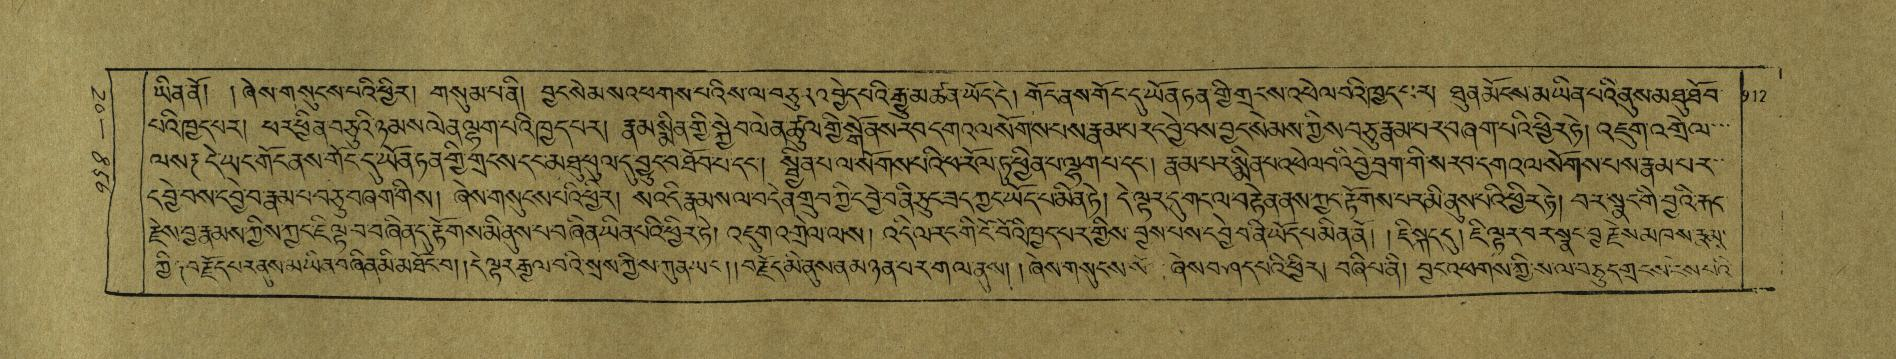ཡིན་ནོ། །ཞེས་གསུངས་པའི་ཕྱིར། གསུམ་པ་ནི། བྱང་སེམས་འཕགས་པའི་ས་ལ་བཅུར་འབྱེད་པའི་རྒྱུ་མཚན་ཡོད་དེ། གོང་ནས་གོང་དུ་ཡོན་ཏན་གྱི་གྲངས་འཕེལ་བའི་ཁྱད་པར། ཐུན་མོངས་མ་ཡིན་པའི་ནུས་མཐུ་ཐོབ་
པའི་ཁྱད་པར། ཕར་ཕྱིན་བཅུའི་ཉམས་ལེན་ལྷག་པའི་ཁྱད་པར། རྣམ་སྨིན་གྱི་སྐྱེ་བ་ལེན་ཚུལ་གྱི་སྒོ་ནས་རབ་དགའ་ལ་སོགས་པས་རྣམ་པར་དབྱེ་བས་བྱང་སེམས་ཀྱི་ས་བཅུ་རྣམ་པར་བཞག་པའི་ཕྱིར་ཏེ། འཇུག་འགྲེལ་
ལས༑ དེ་ཡང་གོང་ནས་གོང་དུ་ཡོན་ཏན་གྱི་གྲངས་དང་མཐུ་ཕུལ་དུ་བྱུང་བ་ཐོབ་པ་དང་། སྦྱིན་པ་ལ་སོགས་པའི་ཕ་རོལ་ཏུ་ཕྱིན་པ་ལྷག་པ་དང་། རྣམ་པར་སྨིན་པ་འཕེལ་བའི་བྱེ་བྲག་གི་ས་རབ་དགའ་ལ་སོགས་པས་རྣམ་པར་
དབྱེ་བས་དབྱེ་བ་རྣམ་པ་བཅུ་བཞག་གིས། ཞེས་གསུངས་པའི་ཕྱིར། ས་འདི་རྣམས་ལ་བདེན་གྲུབ་ཀྱི་དབྱེ་བ་ནི་ཅུང་ཟད་ཀྱང་ཡོད་པ་མིན་ཏེ། དེ་ལྟར་དུ་གང་ལ་བརྟེན་ནས་ཀྱང་རྟོགས་པར་མི་ནུས་པའི་ཕྱིར་ཏེ། བར་སྣང་གི་བྱའི་རྐང་
རྗེས་བྱ་རྣམས་ཀྱིས་ཀྱང་ཇི་ལྟ་བ་བཞིན་དུ་རྟོགས་མི་ནུས་པ་བཞིན་ཡིན་པའི་ཕྱིར་ཏེ། འཇུག་འགྲེལ་ལས། འདི་ལ་རང་གི་ངོ་བོའི་ཁྱད་པར་གྱིས་བྱས་པས་དབྱེ་བ་ནི་ཡོད་པ་མིན་ནོ། །ཇི་སྐད་དུ། ཇི་ལྟར་བར་སྣང་བྱ་རྗེས་མཁས་རྣམས་
ཀྱི༑ བརྗོད་པར་ནུས་མ་ཡིན་བཞིན་མི་མཐོང་བ། །དེ་ལྟར་རྒྱལ་བའི་སྲས་ཀྱི་ས་ཀུན་ཡང་། །བརྗོད་མི་ནུས་ན་མཉན་པར་ག་ལ་ནུས། །ཞེས་གསུངས་སོ། །ཞེས་བཤད་པའི་ཕྱིར། བཞི་པ་ནི། བྱང་འཕགས་ཀྱི་ས་ལ་བཅུད་གྲངས་ངེས་པའི་